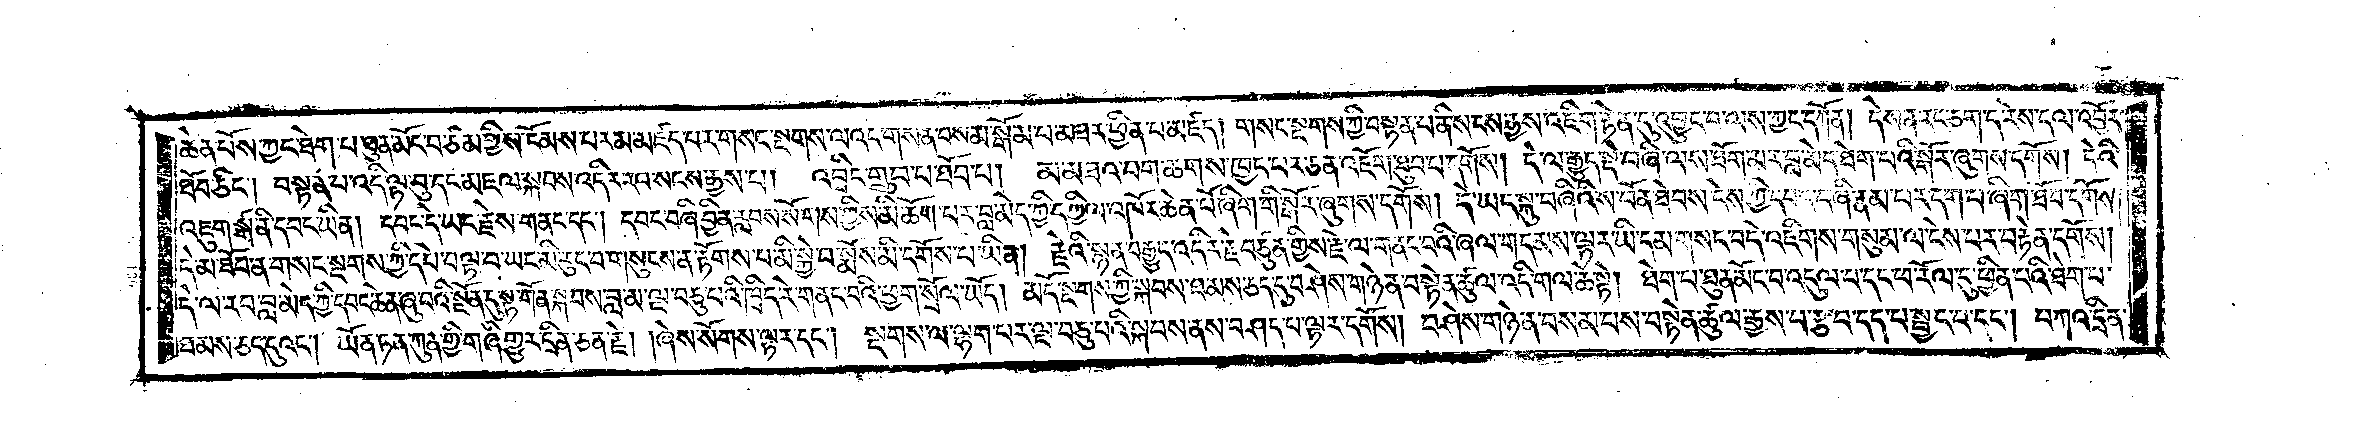ཆེན་པོས་ཀྱང་ཐེག་པ་ཐུན་མོང་བ་ཙམ་གྱིས་ངོམས་པར་མ་མཛད་པར་གསང་སྔགས་ལའང་གསན་བསམ་སྒོམ་པ་མཐར་ཕྱིན་པ་མཛད། གསང་སྔགས་ཀྱི་བསྟན་པ་ནི་སངས་རྒྱས་འཇིག་རྟེན་དུ་འབྱུང་བ་ལས་ཀྱང་དཀོན། དེས་ན་རང་ཅག་ད་རེས་དལ་འབྱོར་
ཐོབ་ཅིང་། བསྟན་པ་འདི་ལྟ་བུ་དང་མཇལ་སྐབས་འདིར་རབ་སངས་རྒྱས་པ། འབྲིང་གྲུབ་པ་ཐོབ་པ། མ་མཐའ་བག་ཆགས་ཁྱད་པར་ཅན་འཇོག་ཐུབ་པ་དགོས། དེ་ལ་རྒྱུད་སྡེ་བཞི་ལས་ཐོག་མར་བླ་མེད་ཐེག་པའི་སྒོར་ཞུགས་དགོས། དེའི་
འཇུག་སྒོ་ནི་དབང་ཡིན། དབང་དེ་ཡང་རྗེས་གནང་དང་། དབང་བཞི་བྱིན་རླབས་སོགས་ཀྱིས་མི་ཆོག་པར་བླ་མེད་ཀྱི་དཀྱིལ་འཁོར་ཆེན་པོ་ཞིག་གི་སྒོར་ཞུགས་དགོས། དེ་ཡང་སྐུ་བཞིའི་ས་བོན་ཐེབས་ངེས་ཀྱི་དབང་བཞི་རྣམ་པར་དག་པ་ཞིག་ཐོབ་དགོས།
དེ་མ་ཐོབ་ན་གསང་སྔགས་ཀྱི་དཔེ་བལྟ་བ་ཡང་མི་རུང་བ་གསུངས་ན་རྟོགས་པ་མི་སྐྱེ་བ་སྨོས་མི་དགོས་པ་ཡིན། རྗེའི་སྙན་བརྒྱུད་འདིར་རྗེ་བཙུན་གྱིས་རྗེ་ལ་གནང་བའི་ཞལ་གདམས་ལྟར་ཡི་དམ་གསང་བདེ་འཇིགས་གསུམ་ལ་ངེས་བར་བརྟེན་དགོས།
དེ་ལ་རབ་བླ་མེད་ཀྱི་དབང་ཆེན་ཞུ་བའི་སྔོན་དུ་སྟ་གོན་སྐབས་བླ་མ་ལྔ་བཅུ་པའི་ཁྲིད་རེ་གནང་བའི་ཕྱག་སྲོལ་ཡོད། མདོ་སྔགས་ཀྱི་སྐབས་ཐམས་ཅད་དུ་བཤེས་གཉེན་བསྟེན་ཚུལ་འདི་གལ་ཆེ་སྟེ། ཐེག་པ་ཐུན་མོང་བ་འདུལ་བ་དང་ཕ་རོལ་དུ་ཕྱིན་པའི་ཐེག་པ་
ཐམས་ཅད་དུའང་། ཡོན་ཏན་ཀུན་གྱི་གཞི་གྱུར་དྲིན་ཅན་རྗེ། །ཞེས་སོགས་ལྟར་དང་། སྔགས་ལ་ལྷག་པར་ལྔ་བཅུ་པའི་སྐབས་ནས་བཤད་པ་ལྟར་དགོས། བཤེས་གཉེན་བསམ་པས་བསྟེན་ཚུལ་རྒྱས་པ་རྩ་བ་དད་པ་སྦྱང་བ་དང་། བཀའ་དྲིན་